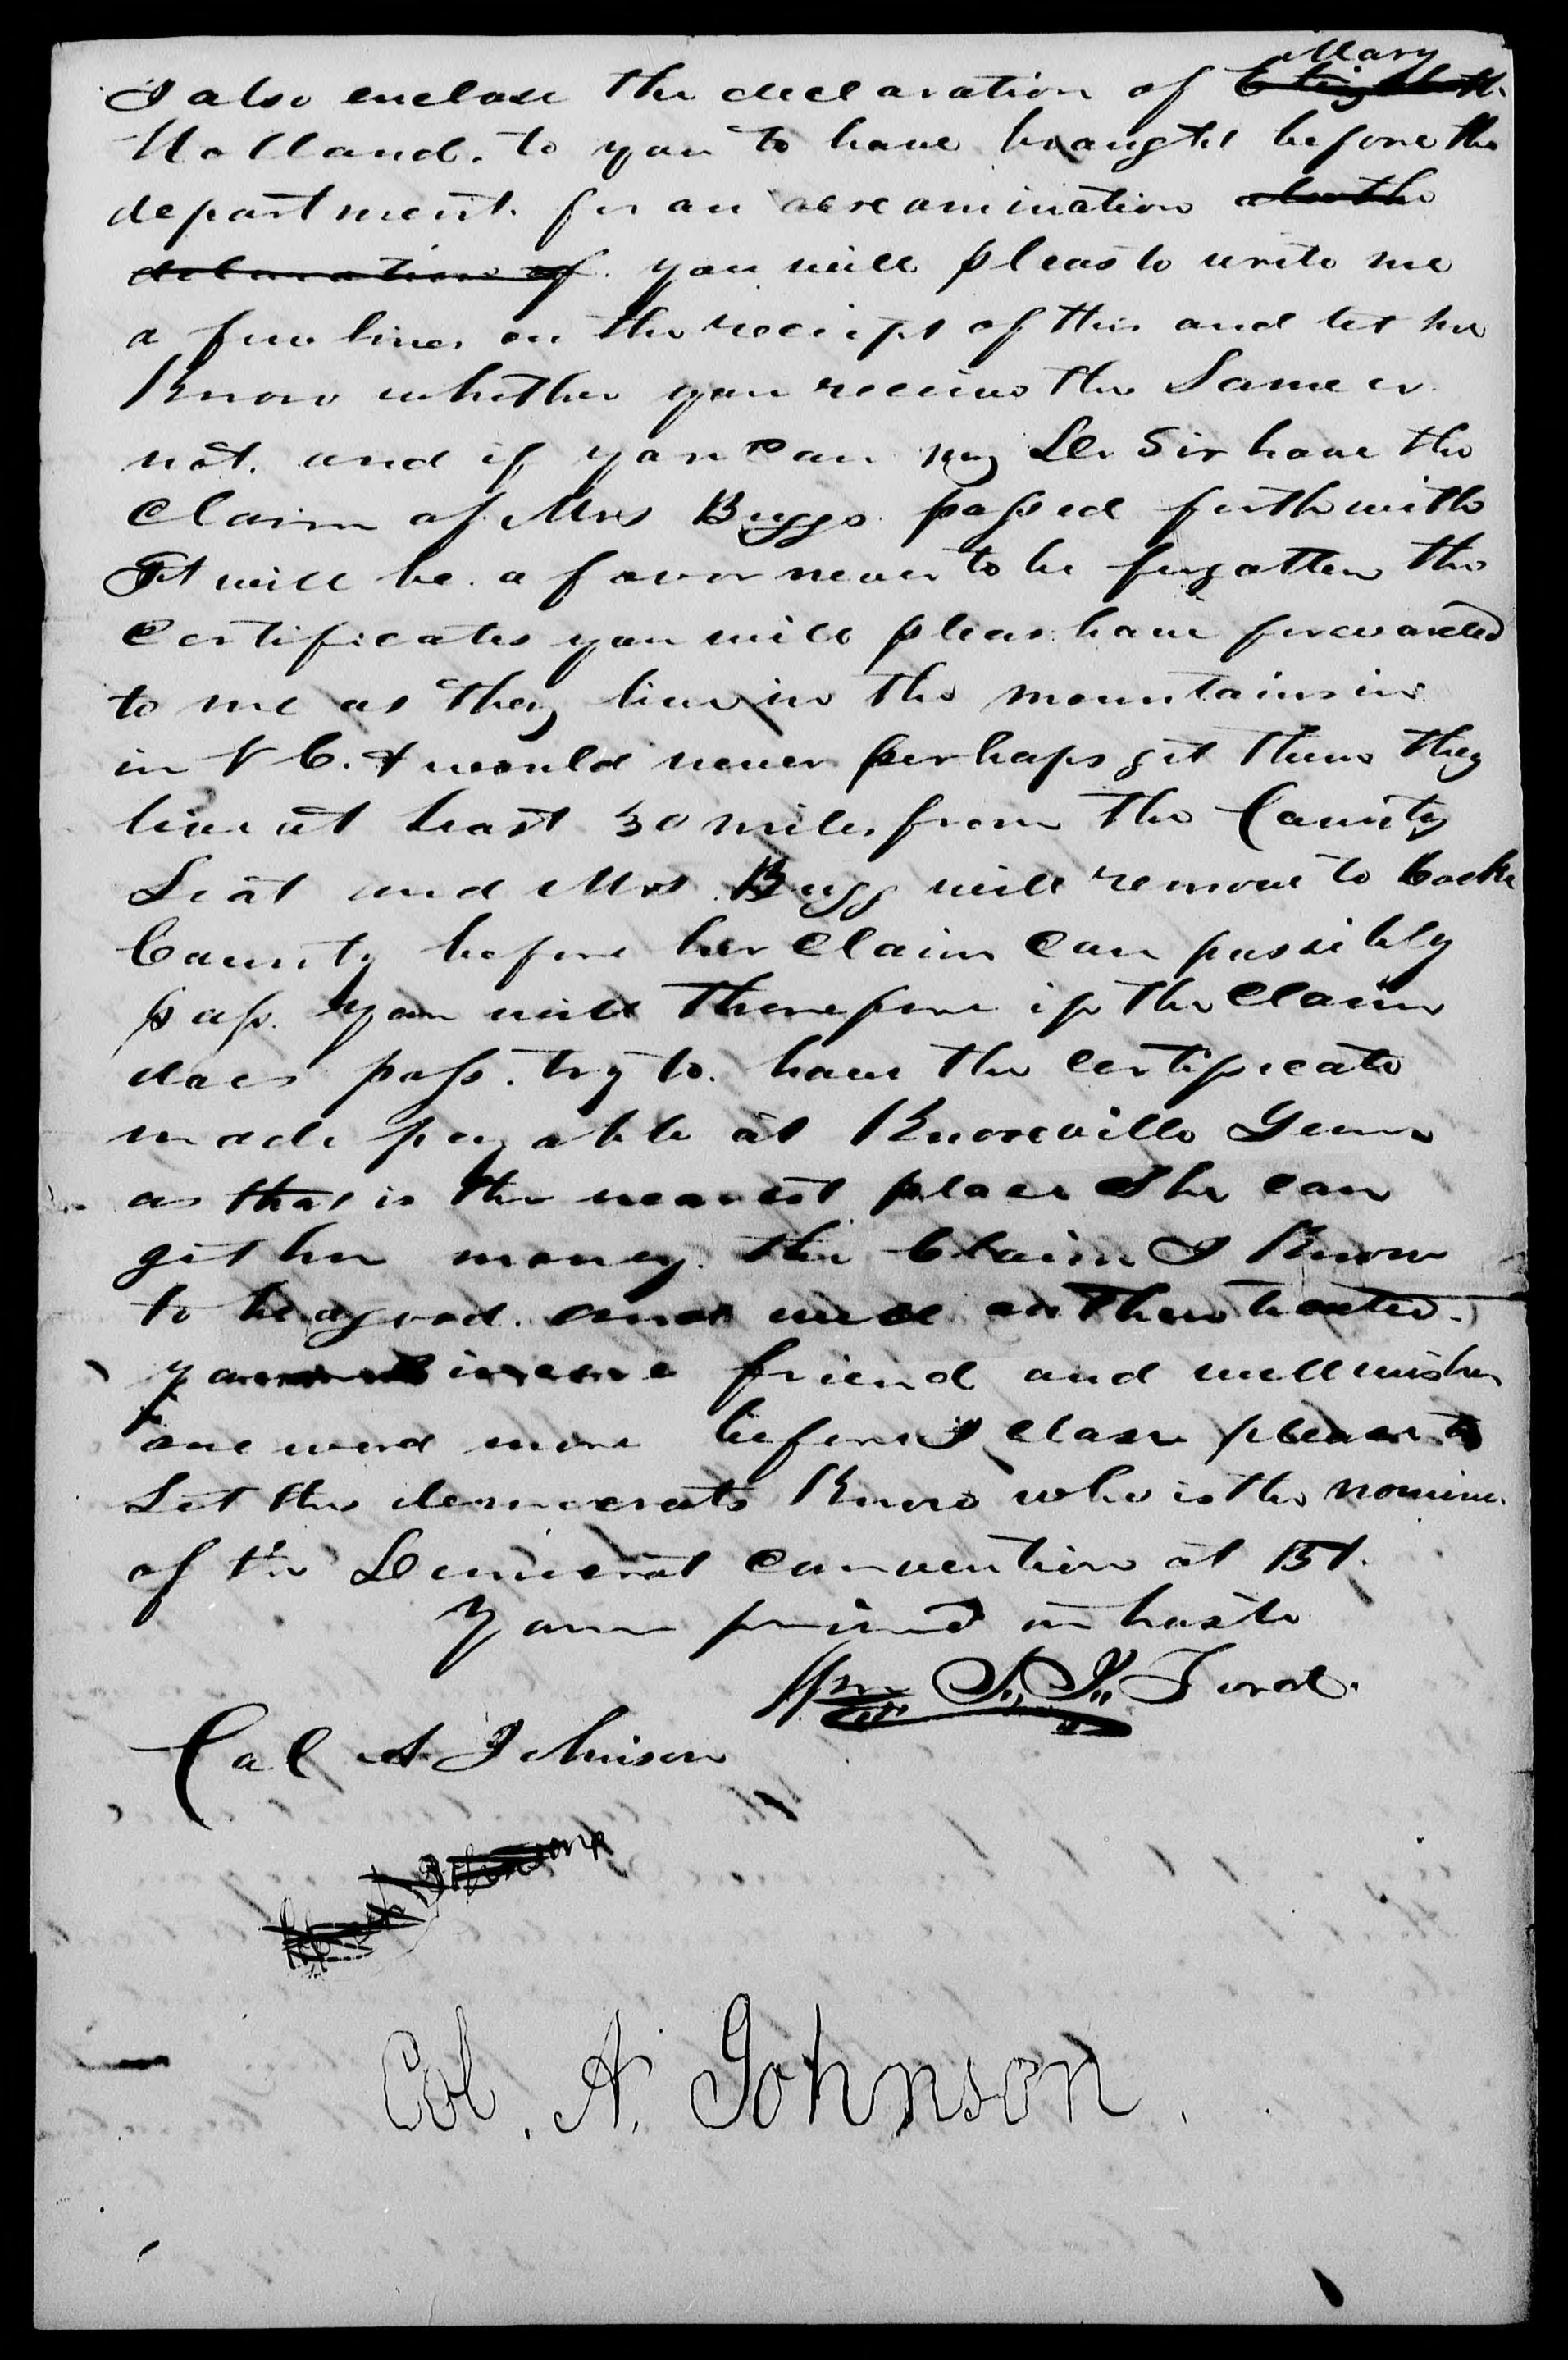I also enclose the declaration of Mary Holland to you to have brought before the department for an examination.  You will please to write me a few lines on the receipt of this and let me know whether you received the same or not and if you can my dear sir have the claim of Mrs. Buggs passed forthwith it will be a favor never to be forgotten.  The certificates you will please have forwarded to me as they live in the mountains in N. C. & would never perhaps get them.  They live at least 30 miles from the County Seat and Mrs. Bugg will remove to Cooke County before her claim can possibly pass.  I am will therefore if the claim does pass try to have the certificate made payable at Booneville [illegible] as that is the nearest place she can get her money.  The claim I know to be good and will [illegible] friend and well wishes and [illegible] please to set the democrats know who is the nominee of the [illegible] convention at 151.
your friend in haste
 Wm. S. J. Ford
Col. A. Johnson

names: Buggs, Wm S J Ford, A Johnson, Bugg, A Johnson, Mary Holland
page: 37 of 50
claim: widow's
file: W. 898, William Bugg, N.C.